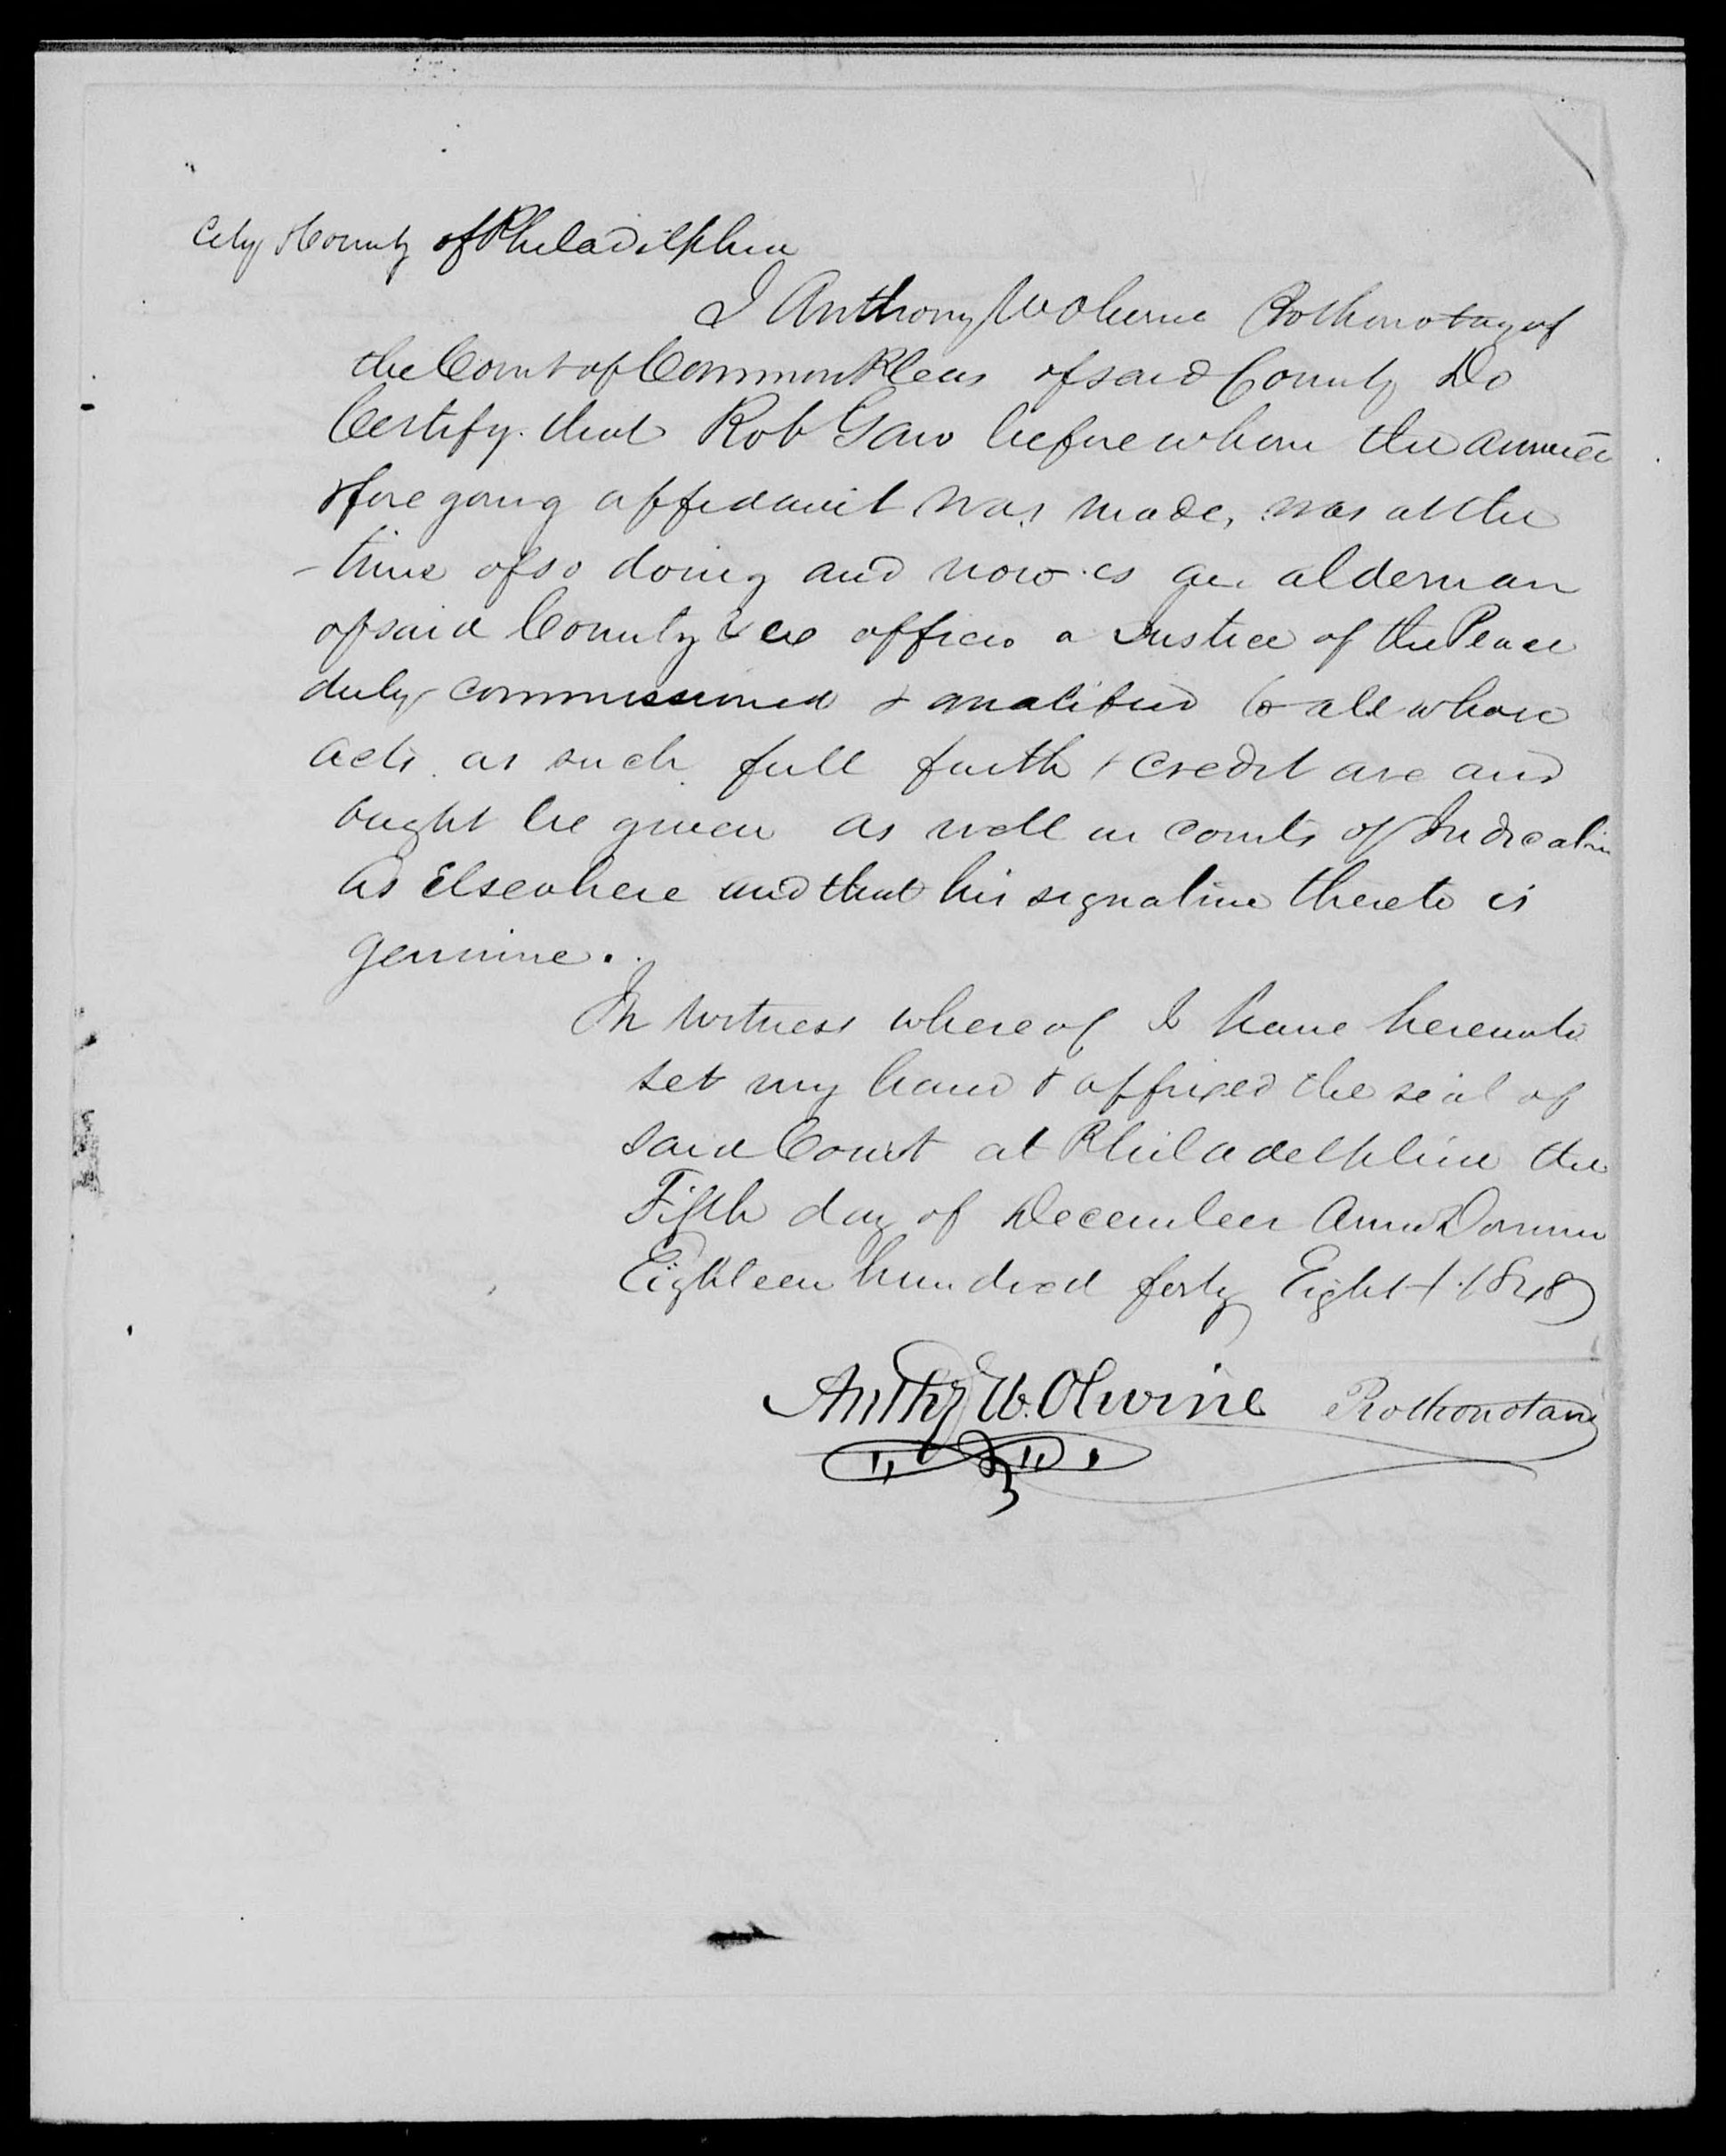City and County of Philadelphia
I, Anthony Olwine, Prothonotary of the Court of Common Pleas of said County, do certify that Rob Gaw before whom the [Illegible] affidavit was made, was at the time of so doing and now is an Alderman of said County and ex officio a Justice of the Peace duly commissioned and qualified to all [Illegible]. As such full faith and credit are ought [to] be given as well as [Illegible] elsewhere and that his signature thereto is genuine.
In witness whereof, I have let my hand and affixed the seal of said Court at Philadelphia this fifth day of December Anno Domini eighteen hundred forty eight 1848. 
Anthony W. Olwine, Prothonotary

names: Anthony W Olwine, Rob Gaw, Anthy W Olwine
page: 5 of 51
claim: widow's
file: W 8939, George Hood, Continental Va.